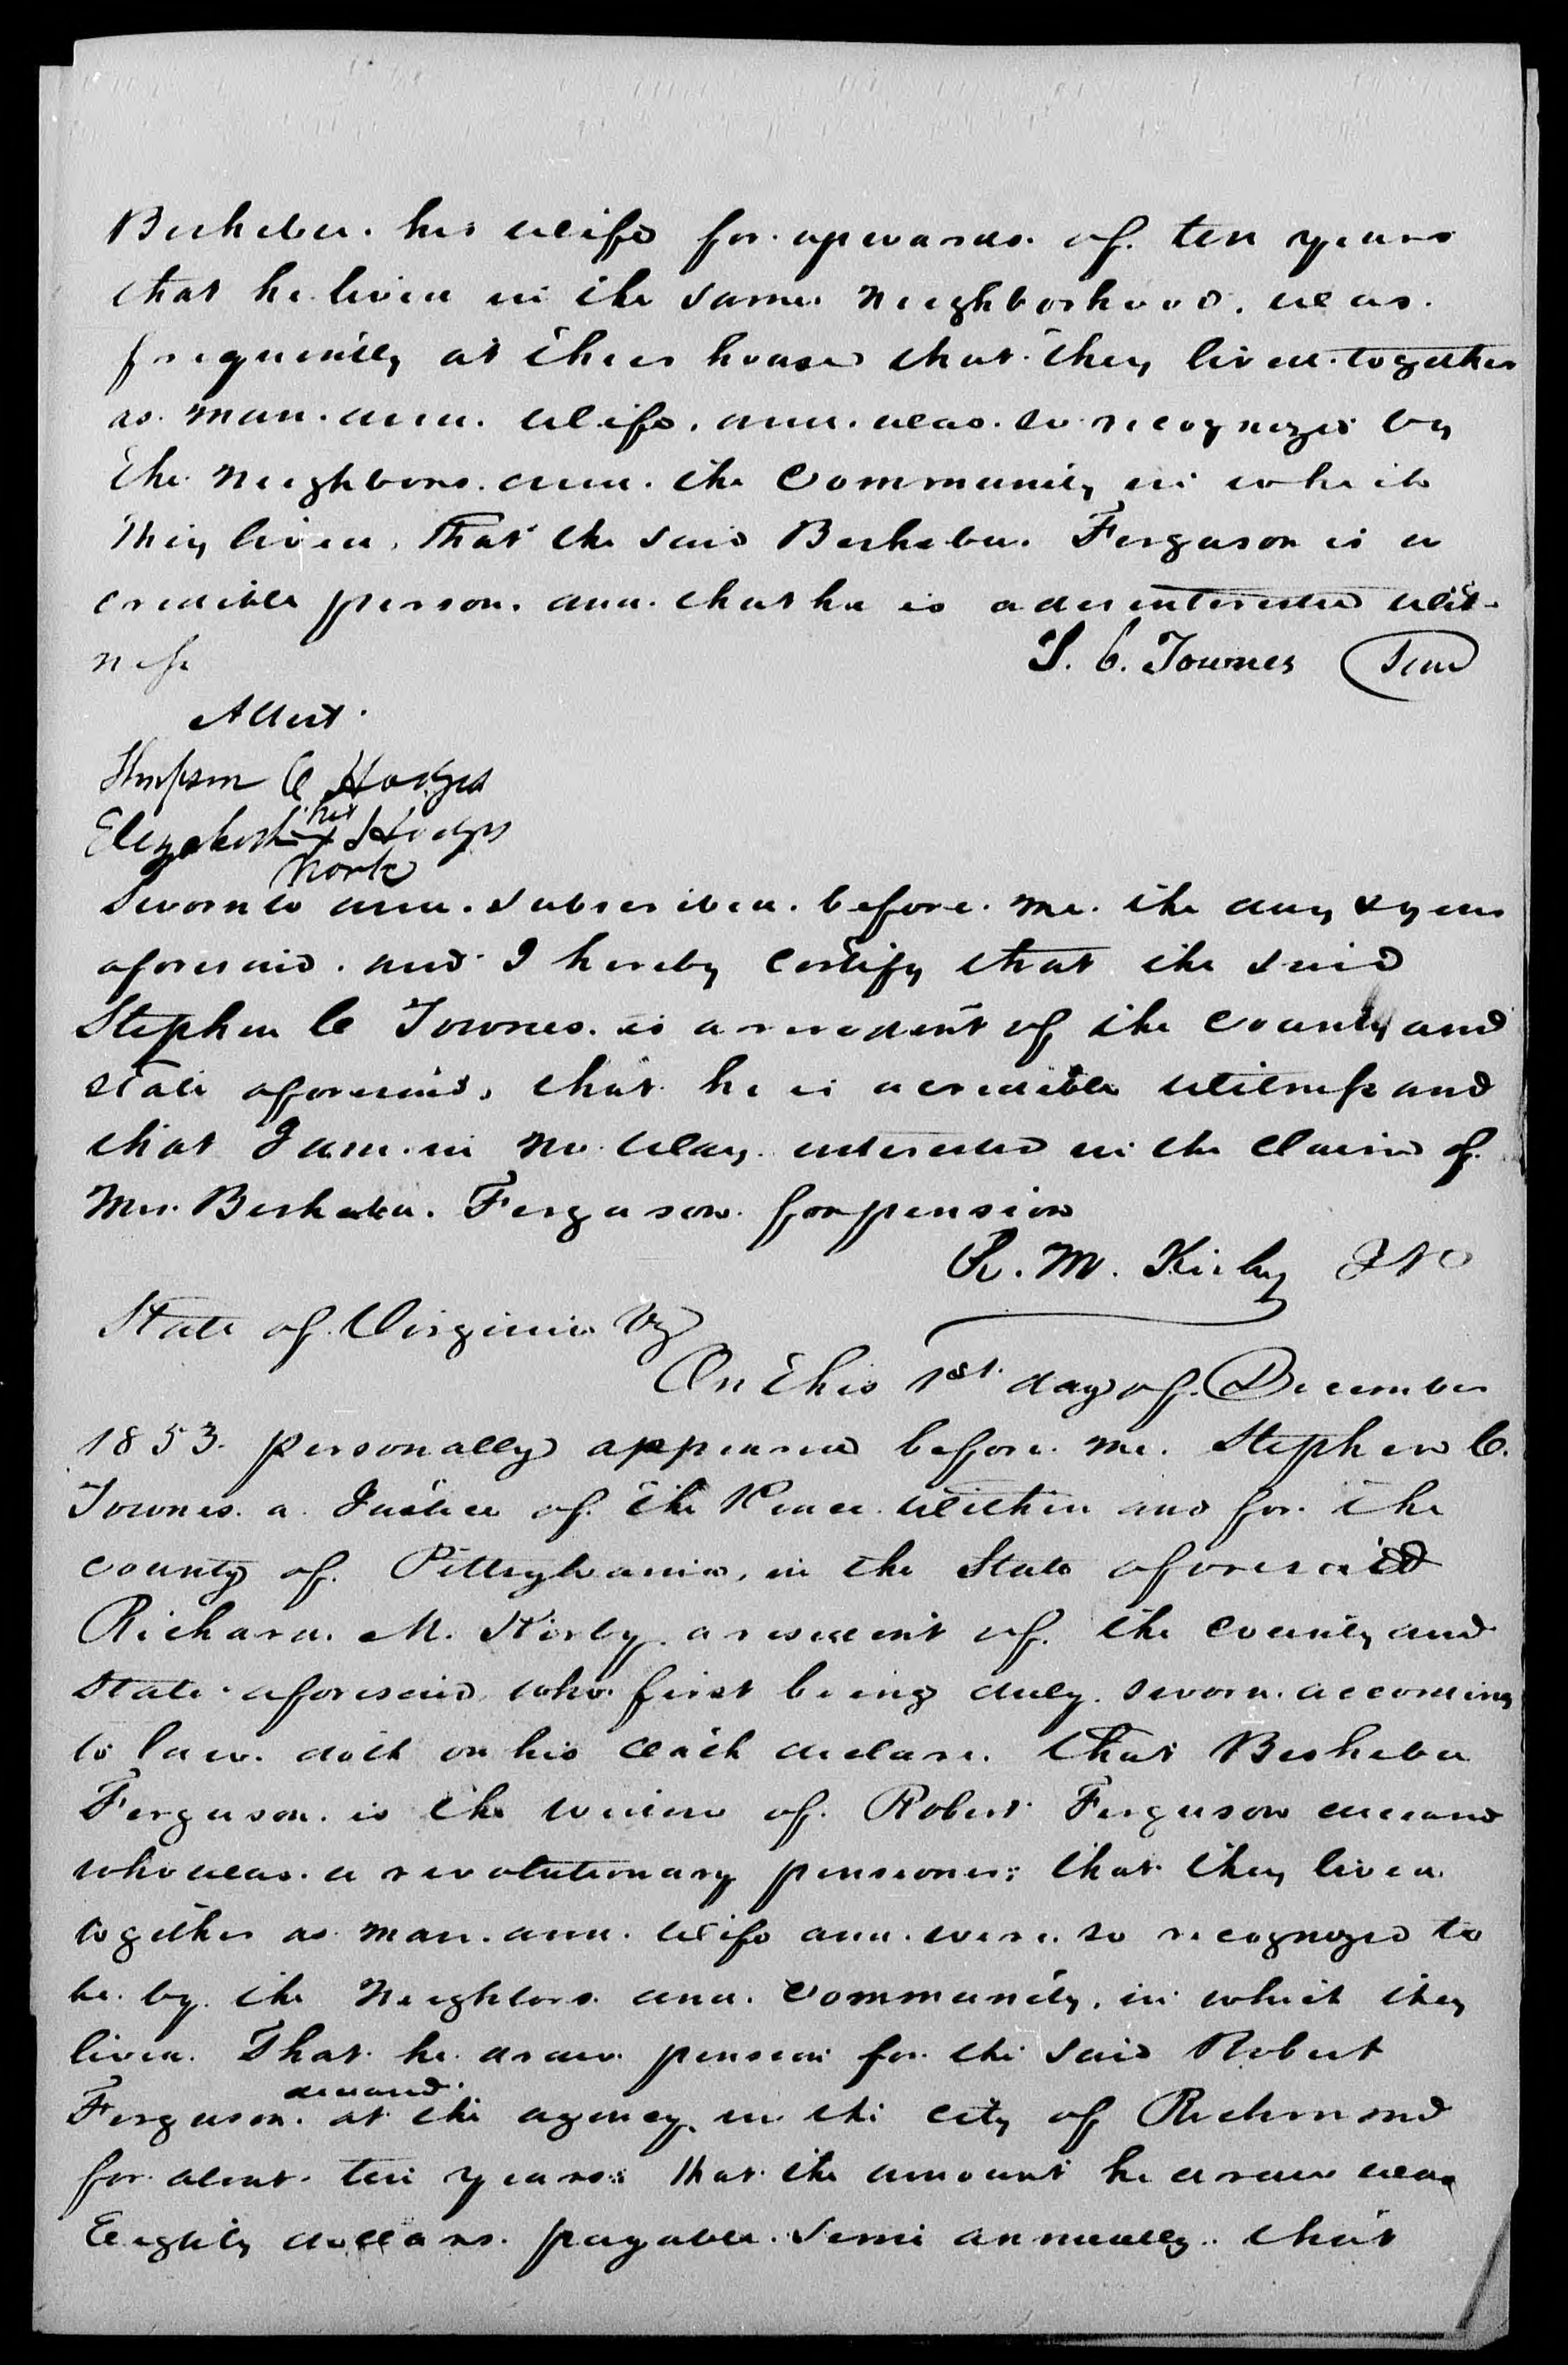Besheba, his wife for upwards of ten years
that he lives in the same neighborhood we as
[      ], at their house that they lived together 
as man and wife and was so recognized by 
the neighbors [ in?  ] the community in which
they live that the said Besheba Ferguson is  
[      ] person and that she is adventurous [     ]
wife.                                          S. C. Townes 

   AU[  ]

Stephen C Hodges
              her
Elizabeth x Hodges
              mark

Sworn and subscribed before me [   ] any [   ]
aforesaid and I hereby certify that the said 
Stephen C Townes is a [    ] of  the [     ] and 
state aforesaid, that he is a [      ] [       ] and 

Ms. Besheba Ferguson [    ]
                                       R. M. Kirby {   }

State of Virginia by
                                 On this 1st day of December
1853 personally appeared before me.  Stephen C.  Townes a justice of the peace within and for the county of Pittsylvania, the state aforesaid
Richard M. Kirby as [    ] of the county and
State aforesaid who first being duly sworn according to law does in his [    ]   [    ] that Besheba Ferguson is the widow of Robert Ferguson [  ]
who was a revolutionary pensioner the said
Robert Ferguson deceased at this agency ion the city of Richmond
for about ten years that the amount he [  ] was
[    ]   [   ] payable semi annual this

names: Robert Ferguson, Besheba Ferguson, S C Townes, Stephen C Townes, Stephen C Townes, Thompson C Hodges, Robert Ferguson, Richard M Kirby, Besheba Ferguson, Elizabeth Hodges, R M Kirby, Besheba Ferguson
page: 76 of 81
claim: widow's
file: W. 7262, Robert Ferguson, Va.